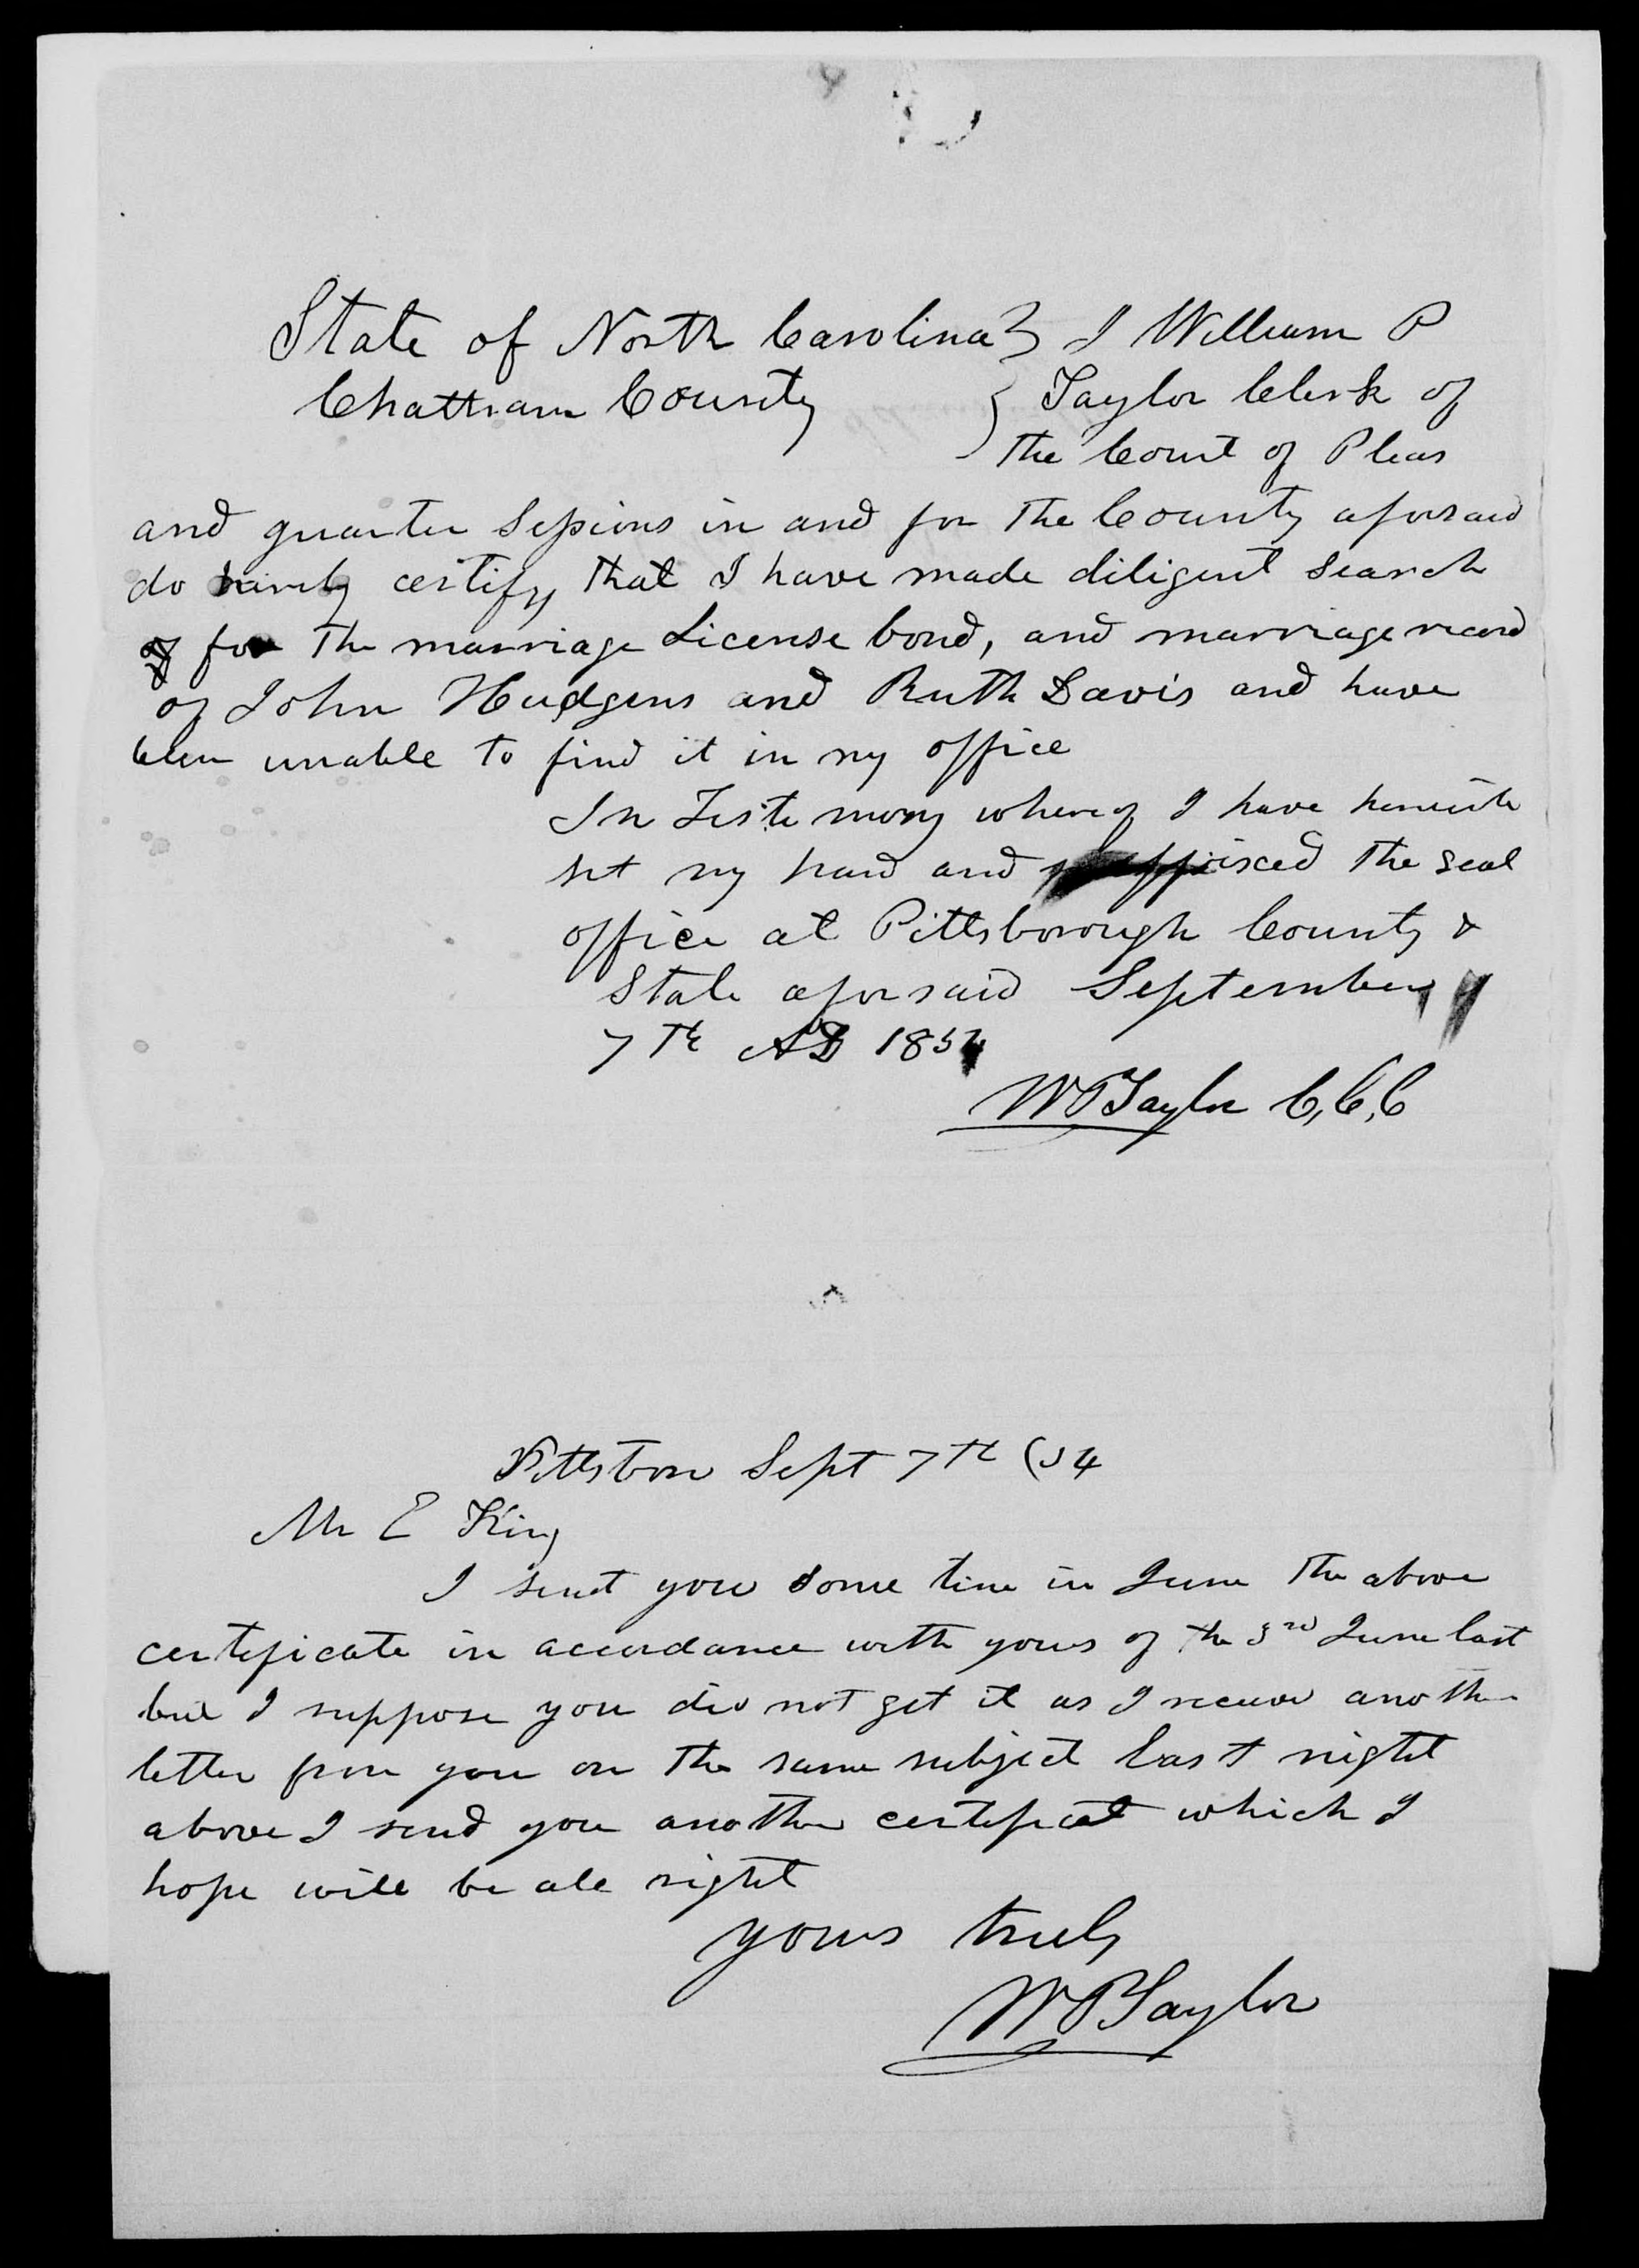State of North Carolina Chatham County (squiggle line vertically on page) I William P. Taylor Clerk of the Court of Pleas and quarter Sepins in and for the County aforesaid do hereby certify that I have made diligent search (of was crossed through) for the marriage License bond, and marriage record of John Hudgins and Ruth Davis and have been unable to find it in my office.
In Testimony when I have herewith set my hand and affixed the seal office at Pittsborough County & State aforesaid September 7th Ap 184
WP Taylor C.L.C

Pittsborough Sept 7th (54
Mr E King,
I sent you some time in June the above Certificate in accordance with yours of the (not legible ) June last but I suppose you did not get it as I received another letter from you on the same subject last night above I sent you another certificate which I hope will be all right 
Yours Truly
WP Taylor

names: William P Taylor, John Hudgins, Ruth Davis, E King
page: 61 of 108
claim: rejected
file: R. 7,515, John Hudgins, N.C.